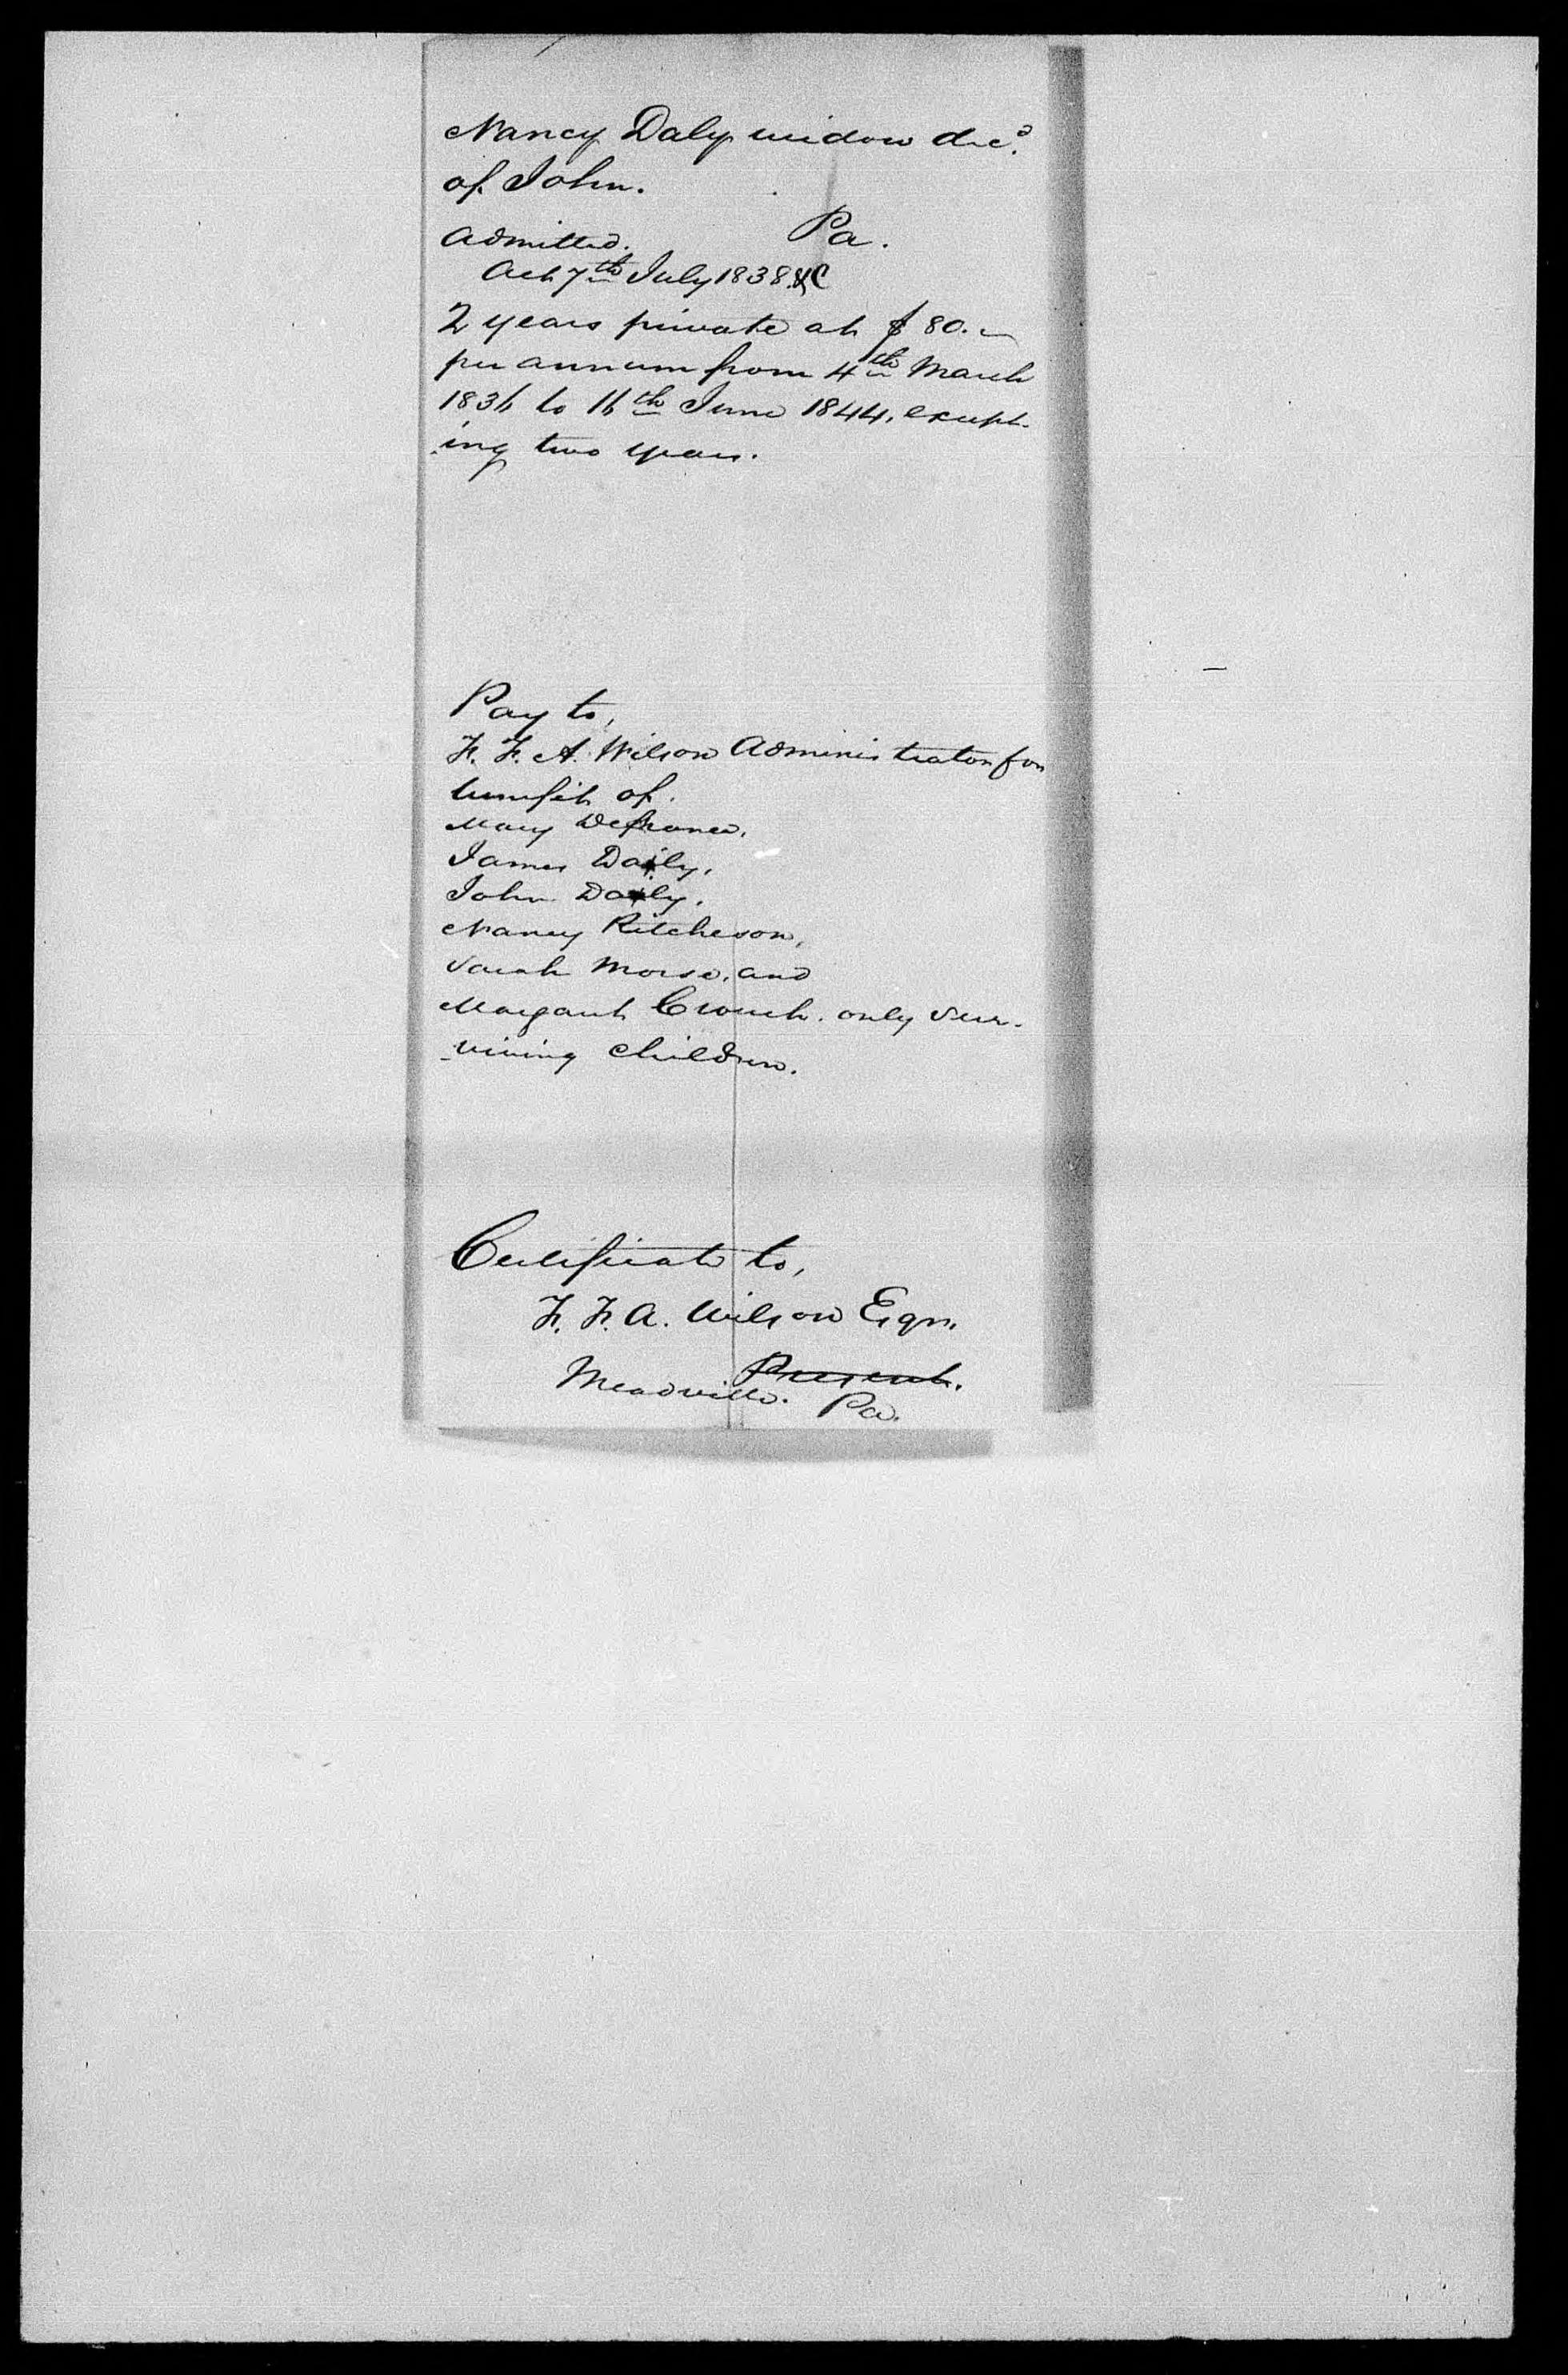Nancy Daly widow dec. 2
of John.
Admitted.    Pa.
Act 7th July 1838 & c
2 years private at $80.
per annum from 4th March
1836 to 11th June 1844, excepting two years

Pay to,
F.F.A. Wilson Administrator for
benefit of
Mary Defraner
James Daly
John Daly
Nancy Ritcheson
Sarah Morse, and
Margant Crouch, only 
surviving children

Certificate to
F.F.A. Wilson Esq
Meadeville  Pa.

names: F F A Wilson, John Daly, F F A Wilson, Margaret Crouch, Mary Defrance, Sarah Morse, James Daily, John Daily, Nancy Daly, Nancy Ritcheson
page: 21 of 63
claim: widow's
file: W. 3228, John Daly, Penn.